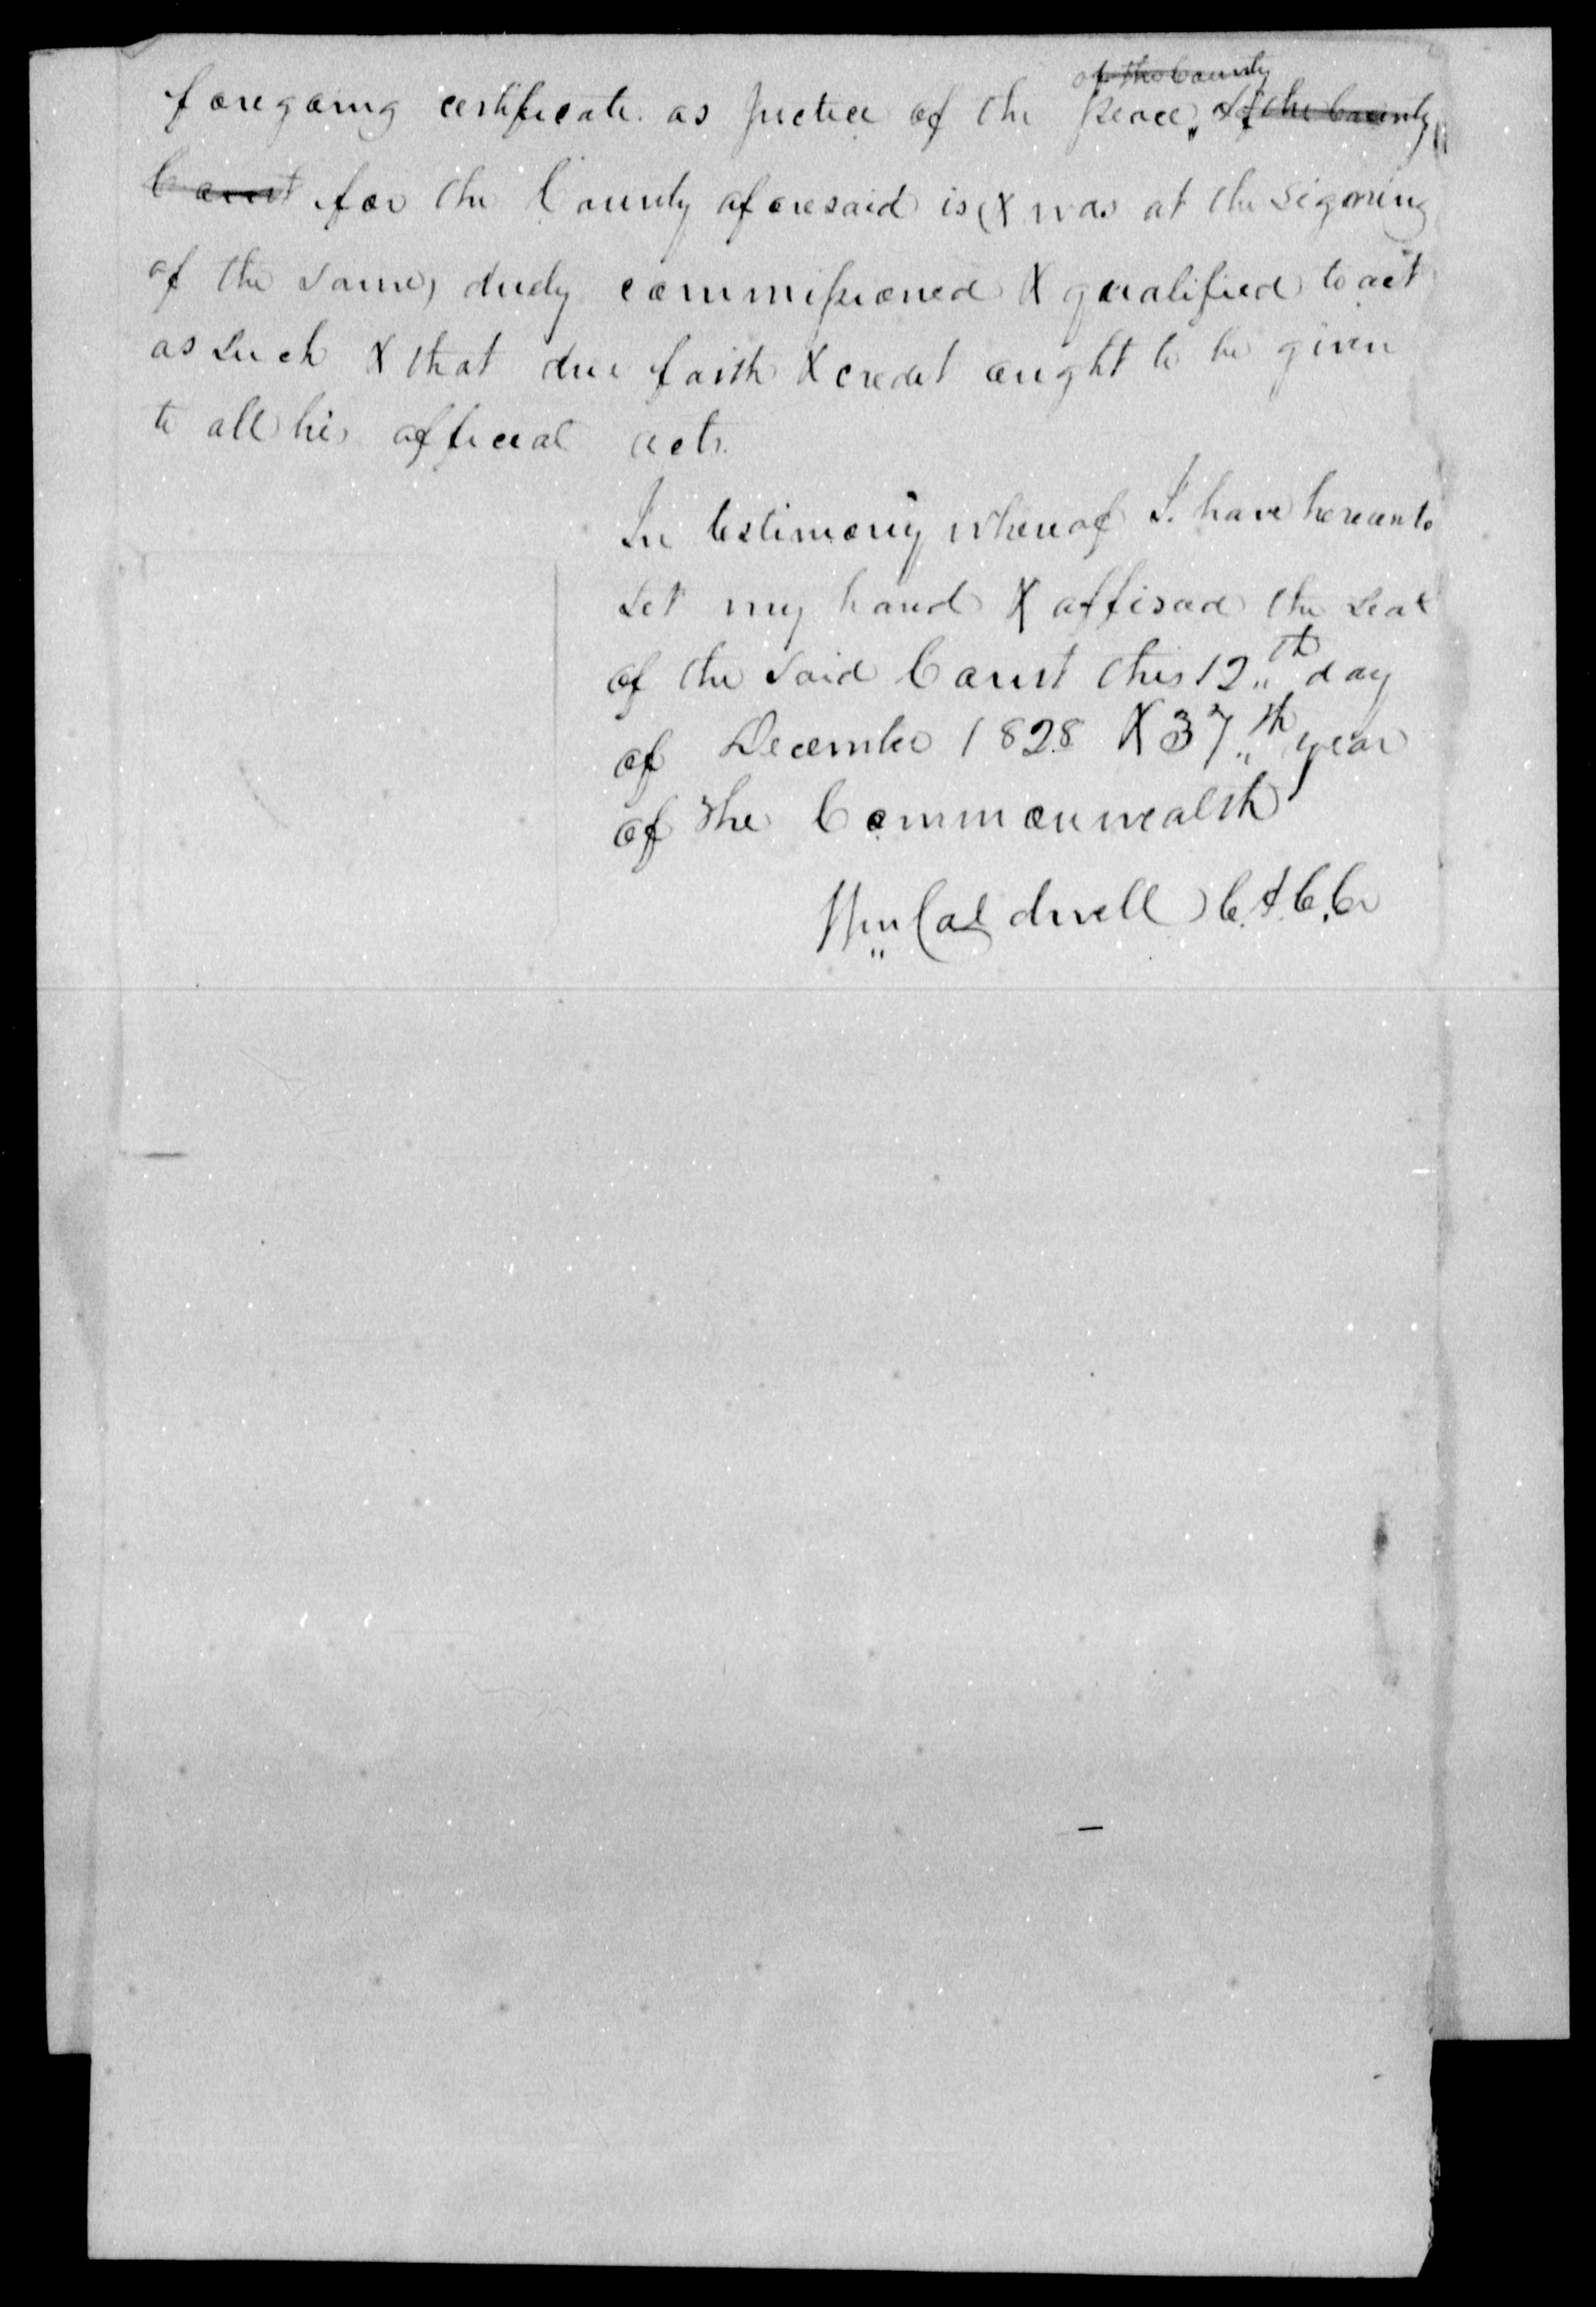Foregoing certificate as Justice of the peace for the County aforesaid is & was at the signing of the same, duly commissioned & qualified to act as such & that due faith & credit ought to be given to all his official acts 
In testimony whereof I have hereunto 
set my hand & affixed the seal 
of the said Court this 12th day
 of December 1828 & 37th year of the Commonwealth 
Wm Caldwell C.A.C.C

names: Wm Caldwell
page: 50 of 57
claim: widow's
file: W. 9,622, for Aaron Redman, Virginia